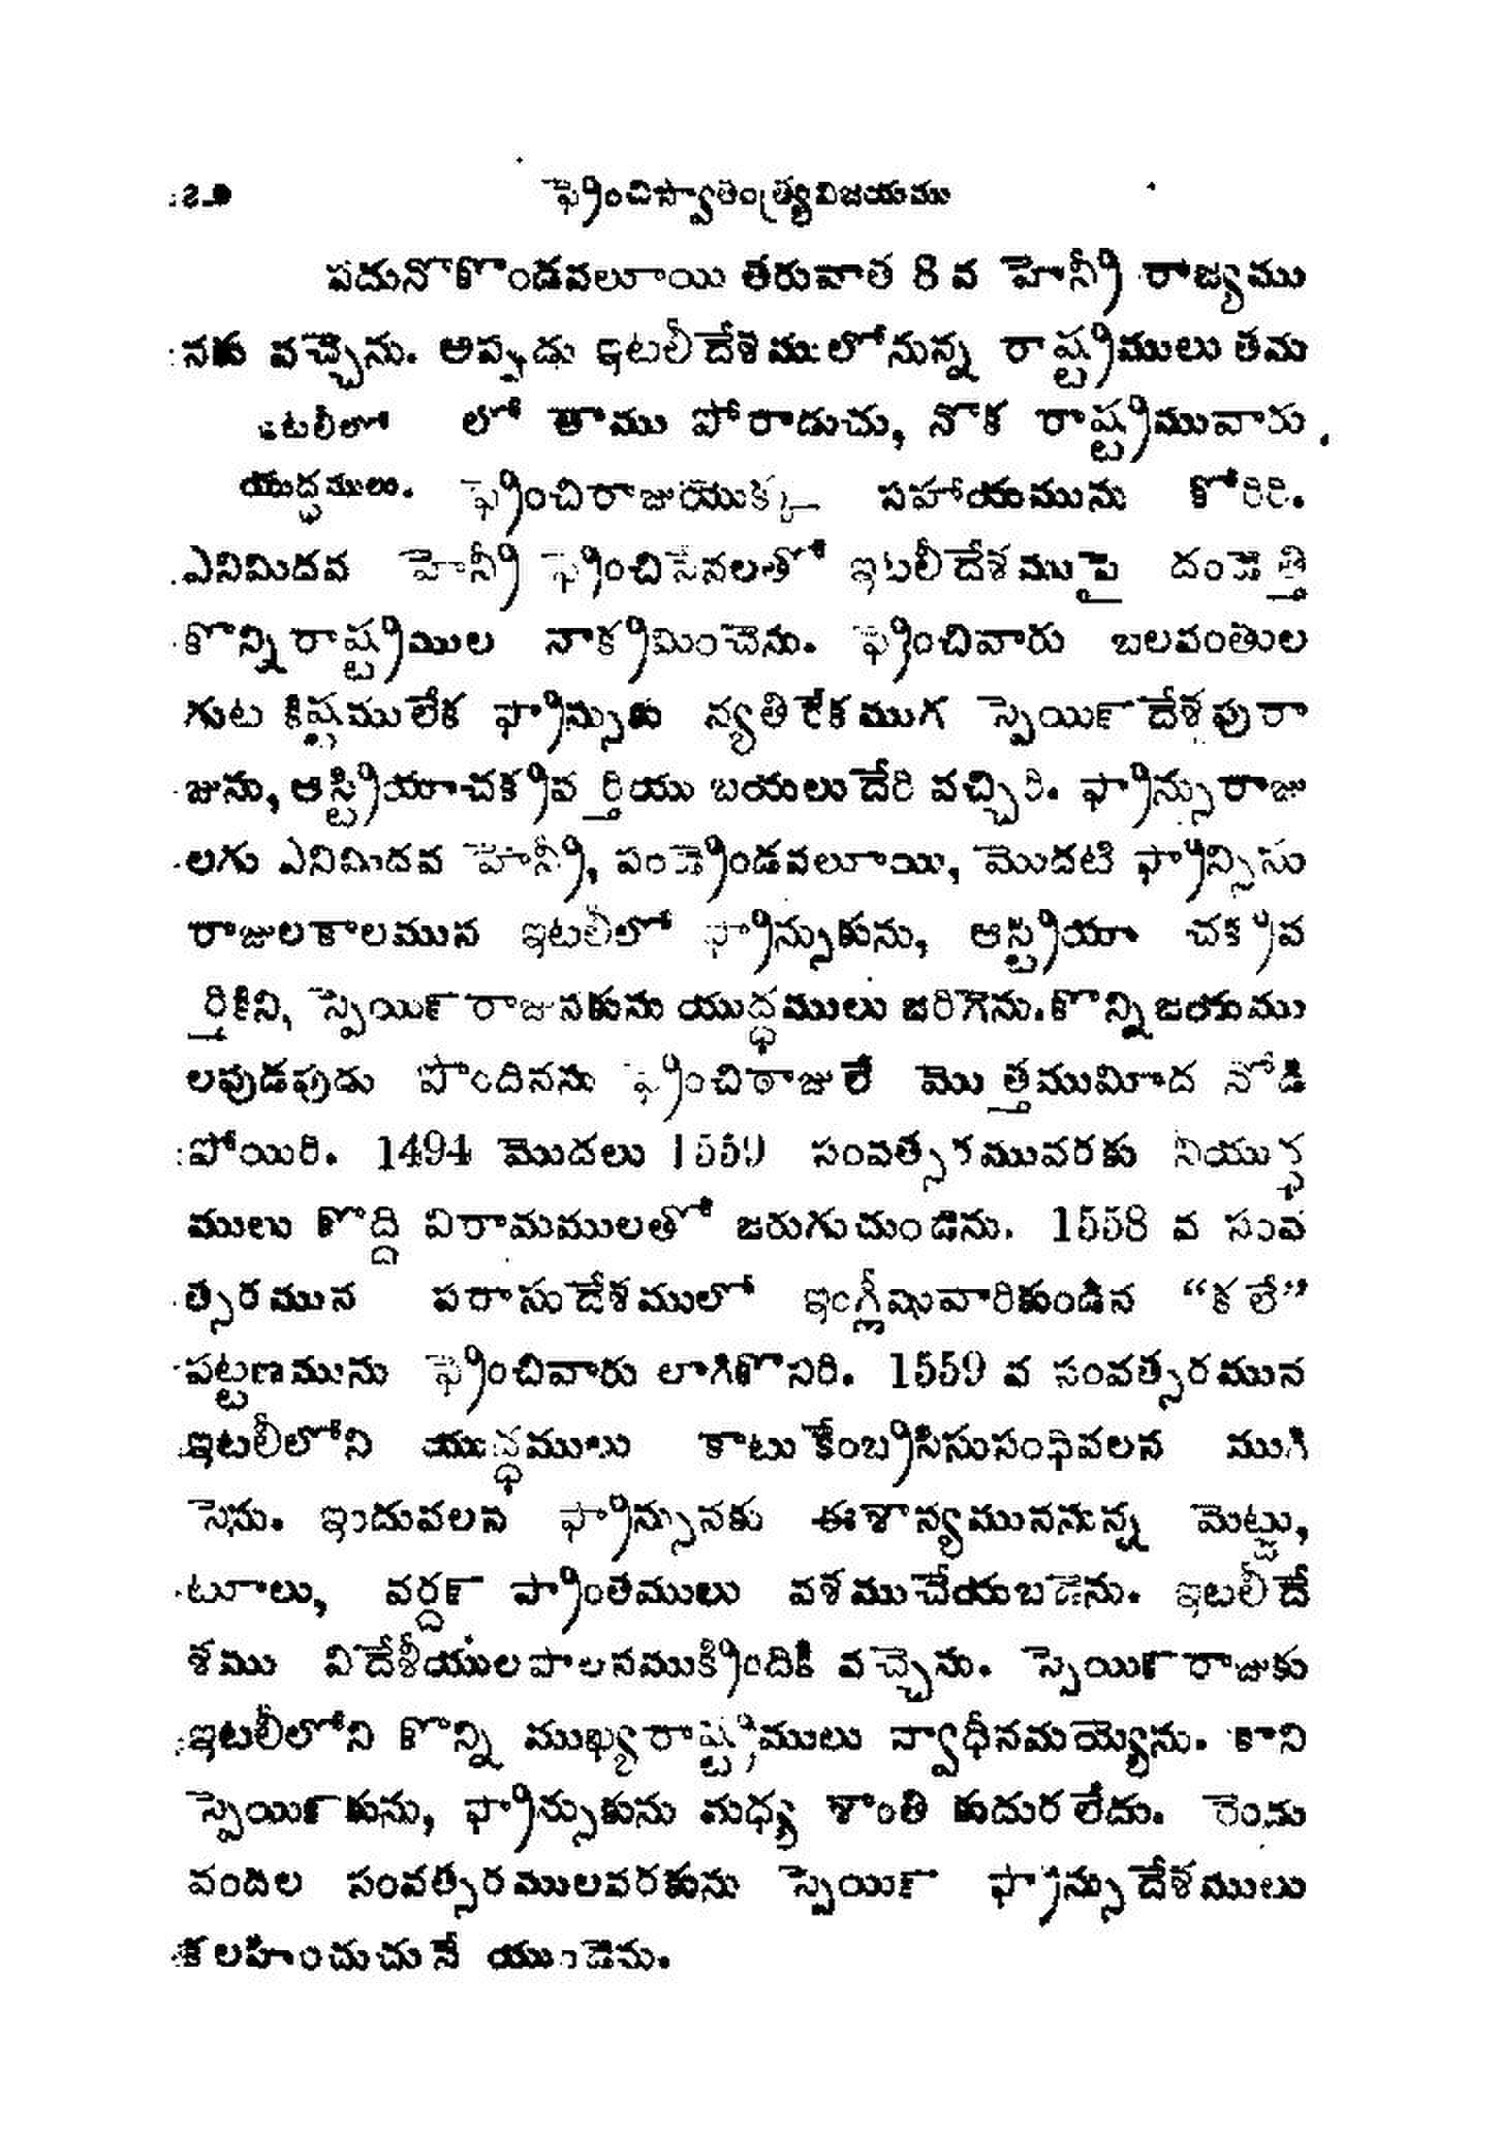72
 

ఆటలీలో
యుద్ధములు
పదునొకొండవ లూయి తరువాత 8వ హేన్రీ రాజ్యము
నకు వచ్చెను. అప్పుడు ఇటలీ దేశములోనున్న రాష్ట్రములు తమ
లో తాము పోరాడుచు, నొక రాష్ట్రము వారు ,
ఫ్రెంచి రాజు యొక్క సహాయమును కోరిరి.
ఎనిమిదవ హెన్రీ ఫ్రెంచి సేనలతో ఇటలీ దేశము పై దండెత్తి
కొన్ని రాష్ట్రముల నాక్రమించెను. "ఫ్రెంచివారు బలవంతుల
గుట కిష్టము లేక ఫ్రాస్సుకు వ్యతిరేకముగ స్పెయిన్ దేశపురా
జును, ఆస్ట్రియాచకవ ర్తియు బయలు దేరి వచ్చిరి. ఫ్రాన్సు రాజు
లగు ఎనిమిదవ 'హెన్రీ, పండ్రెండవలూయి, "మొదటి ఫ్రాన్సిసు
రాజుల కాలమున ఇటలీలో ఫ్రాన్సుకును, ఆస్ట్రియా చక్రప
ర్తికనీ, స్పెయిన్ రాజునకును యుద్ధములు జరిగెను. కొన్ని జయము
లపుడపుడు పొందినను ఫ్రెంచి రాజులే మొత్తముమీద నోడి
పోయిరి. 1494 మొదలు 1550 సంవత్సరమువరకు నియు
ములు కొద్ది విరామములతో జరుగుచుండెను. 1518 వ సంవ
త్సరమున పరాసుదేశములో ఇంగ్లీషువారికుండిన "కలే"
-పట్టణమును ఫ్రెంచివారు లాగికొనినిరి. 1559 వ సంవత్సరమున
ఇటలీలోని యుద్ధములు కాటు కేంబ్రాసిసు సంధి వలన ముగి
సెను. ఇందువలన ఫ్రాన్సునకు ఈశాన్యమునసున్న మెట్టు,
టూలు, వర్ధ ప్రాంతములు వశము చేయబడెను. ఇటలీ దే
శము విదేశీయుల పాలనము క్రిందికి వచ్చెసు. స్పెయిన్ రాజుకు
ఇటలీలోని కొన్ని ముఖ్య రాష్ట్రములు స్వాధీనమయ్యెను. కాని
స్పెయిన్ కును, ఫ్రాన్సుకును మధ్య శాంతి కుదుర లేదు. రెండు
వందల సంవత్సరములవరకును. స్పెయిన్ ఫ్రాస్సు దేశములు
కలహించుచునే యుండెను.